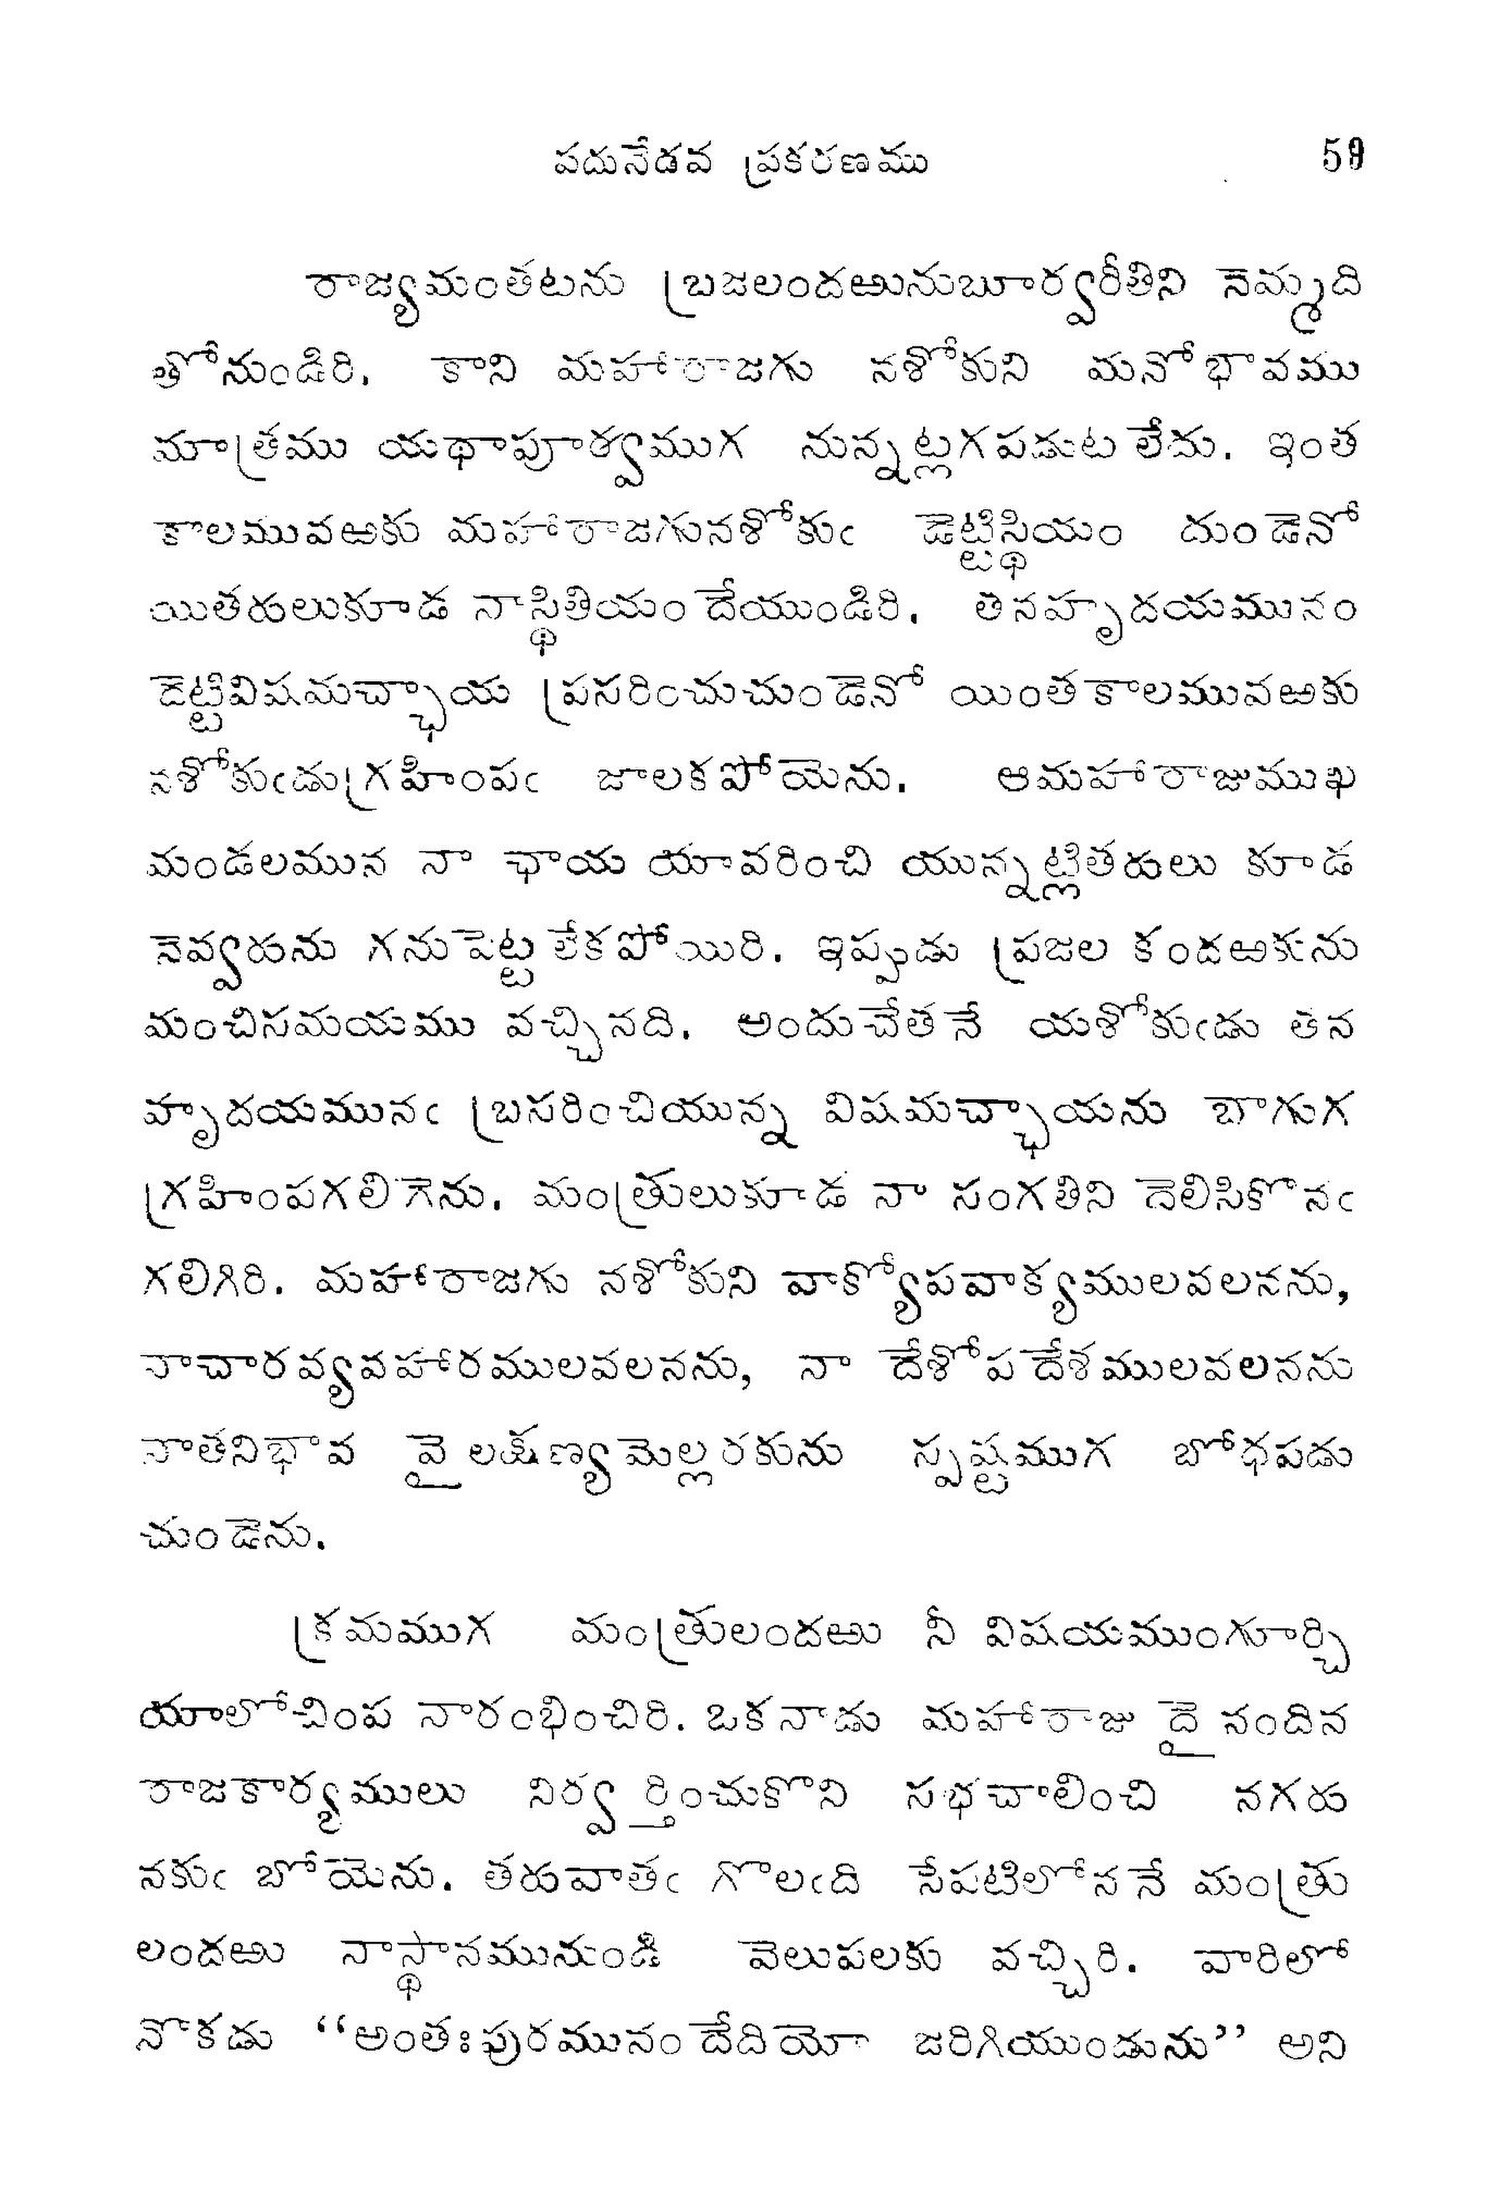రాజ్యమంతటను బ్రజలందఱునుబూర్వరీతిని నెమ్మదితోనుండిరి, కాని మహా రాజగు నశోకుని మనో భావము మాత్రము యథాపూర్వముగ నున్నట్లగపడుట లేదు. ఇంత కాలమువఱకు మహా రాజగునశోకుఁ డెట్టిస్థియం దుండెనో యితరులుకూడ నా స్థితియం దేయుండిరి. తనహృదయమునం దెట్టివిషమచ్ఛాయ ప్రసరించుచుండెనో యింతకాలమువఱకు నశోకుఁడు గ్రహీంపఁ జాలక పోయెను. ఆమహారాజుముఖమండలమున నా ఛాయ యావరించి యున్నట్లితరులు కూడ నెవ్వరును గను పెట్ట లేక పోయిరి. ఇప్పుడు ప్రజల కండఱకును
మంచిసమయము వచ్చినది. అందు చేత నే యశోకుఁడు తన హృదయమునఁ బ్రసరించియున్న విషమచ్ఛాయను బాగుగ గ్రహింపగలిగెను. మంత్రులుకూడ నా సంగతిని దెలిసికొనఁ గలిగిరి. మహా రాజగు నశోకుని వాక్యోపవాక్యములవలనను, కాచార వ్యవహారములవలనను, నా దేశోప దేశములవలనను నాతనిభావ వై లక్షణ్య మెల్ల రకును స్పష్టముగ బోధపడుచుండెను.

క్రమముగ మంత్రులందఱు నీ విషయముంగూర్చి యాలో చింప నారంభించిరి. ఒక నాడు మహారాజు దైనందిన రాజకార్యములు నిర్వర్తించుకొని సభచాలించి నగరు నకుఁ బోయెను. తరువాతఁ గొలఁది సేపటిలోన నే మంత్రులందఱు నాస్థానమునుండి వెలుపలకు వచ్చిరి. వారిలో నొకడు "అంతః పురమునం దేదియో జరిగియుండును” అని